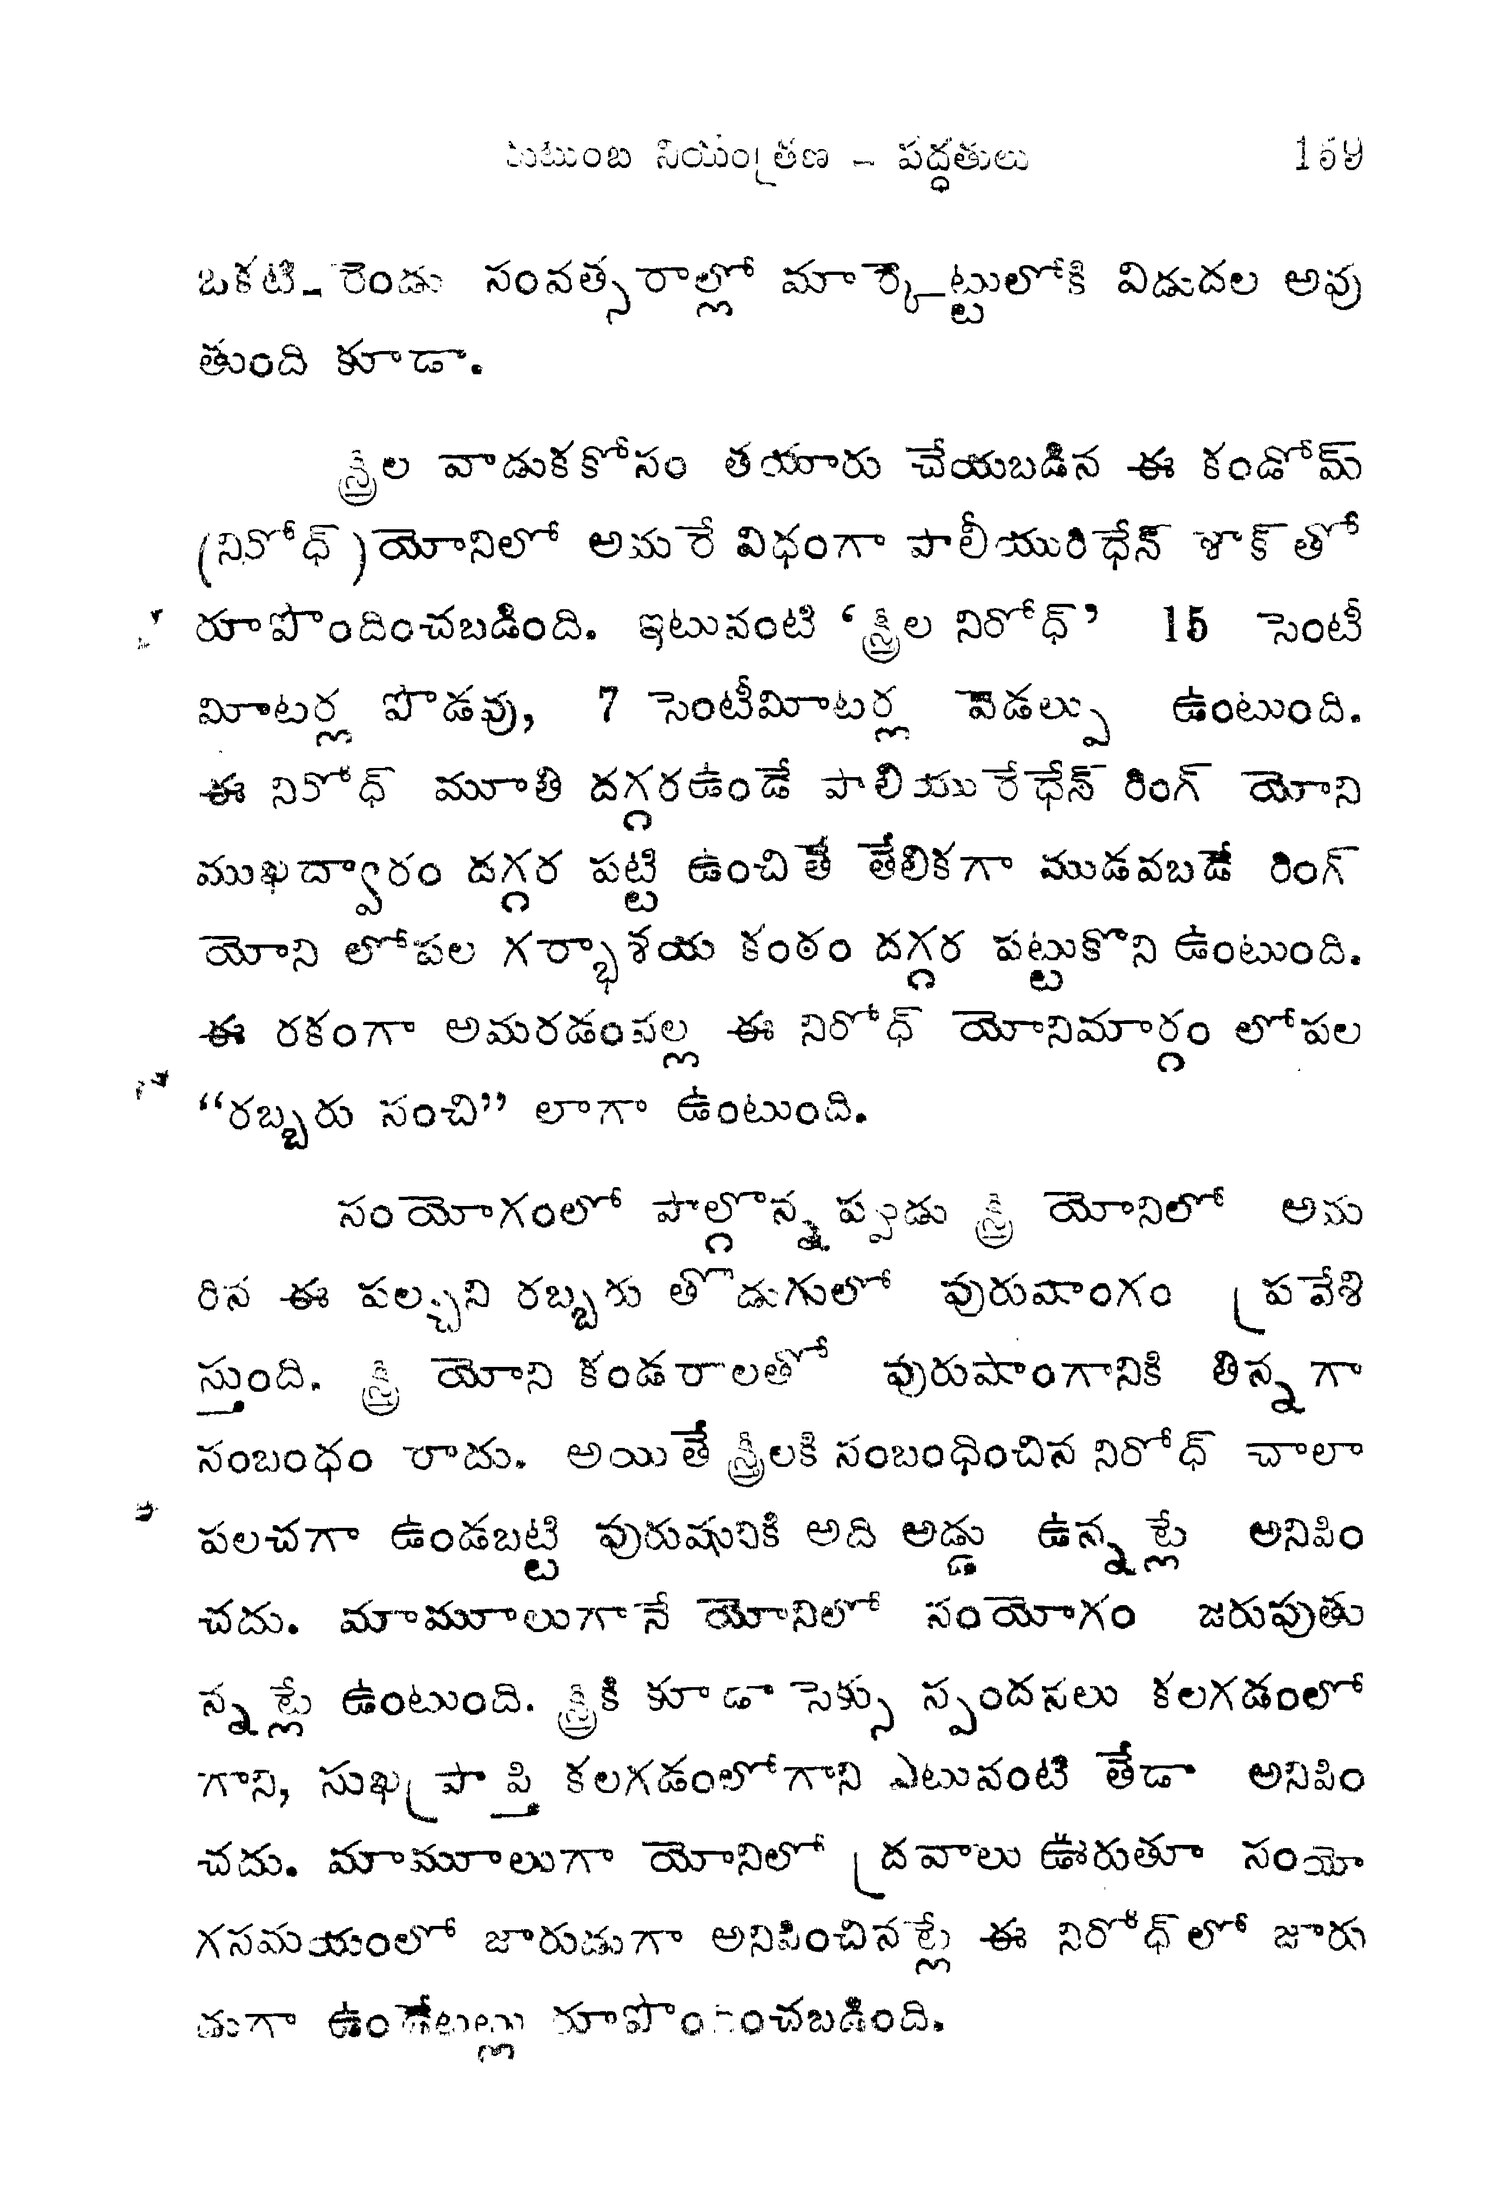ఒకటి - రెండు సంవత్సరాల్లో మార్కెట్టులోకి విడుదల అవుతుంది కూడా.

స్త్రీల వాడుకకోసం తయారు చేయబడిన ఈ కండోమ్ (నిరోధ్) యోనిలో అమరే విధంగా పాలీయురిధేన్ శాక్‌తో రూపొందించబడింది. ఇటువంటి 'స్త్రీల నిరోధ్' 15 సెంటీ మీటర్ల పొడవు, 7 సెంటీమీటర్ల వెడల్పు ఉంటుంది. ఈ నిరోధ్ మూతి దగ్గరఉండే పాలియురేధేన్ రింగ్ యోని ముఖద్వారం దగ్గర పట్టి ఉంచితే తేలికగా ముడవబడే రింగ్ యోని లోపల గర్భాశయ కంఠం దగ్గర పట్టుకొని ఉంటుంది. ఈ రకంగా అమరడంవల్ల ఈ నిరోధ్ యోనిమార్గం లోపల "రబ్బరు సంచి" లాగా ఉంటుంది.

సంయోగంలో పాల్గొన్నప్పుడు స్త్రీ యోనిలో అమరిన ఈ పల్చని రబ్బరు తొడుగులో పురుషాంగం ప్రవేశిస్తుంది. స్త్రీ యోని కండరాలతో పురుషాంగానికి తిన్నగా సంబందం రాదు. అయితే స్త్రీలకి సంబంబందించిన నిరోధ్ చాలా పలచగా ఉండబట్టి పురుషునికి అది అడ్డు ఉన్నట్లే అనిపించదు. మామూలుగానే యోనిలో సంయోగం జరుపుతున్నట్లే ఉంటుంది. స్త్రీకి కూడా సెక్సు స్పందనలు కలగడంలో గాని, సుఖప్రాప్తి కలగడంలోగాని ఎటువంటి తేడా అనిపించదు. మామూలుగా యోనిలో ద్రవాలు ఊరుతూ సంయోగ సమయంలో జారుడుగా అనిపించినట్లే ఈ నిరోద్ లో జారుడుగా ఉండేటట్లు రూపొందించబడించి.